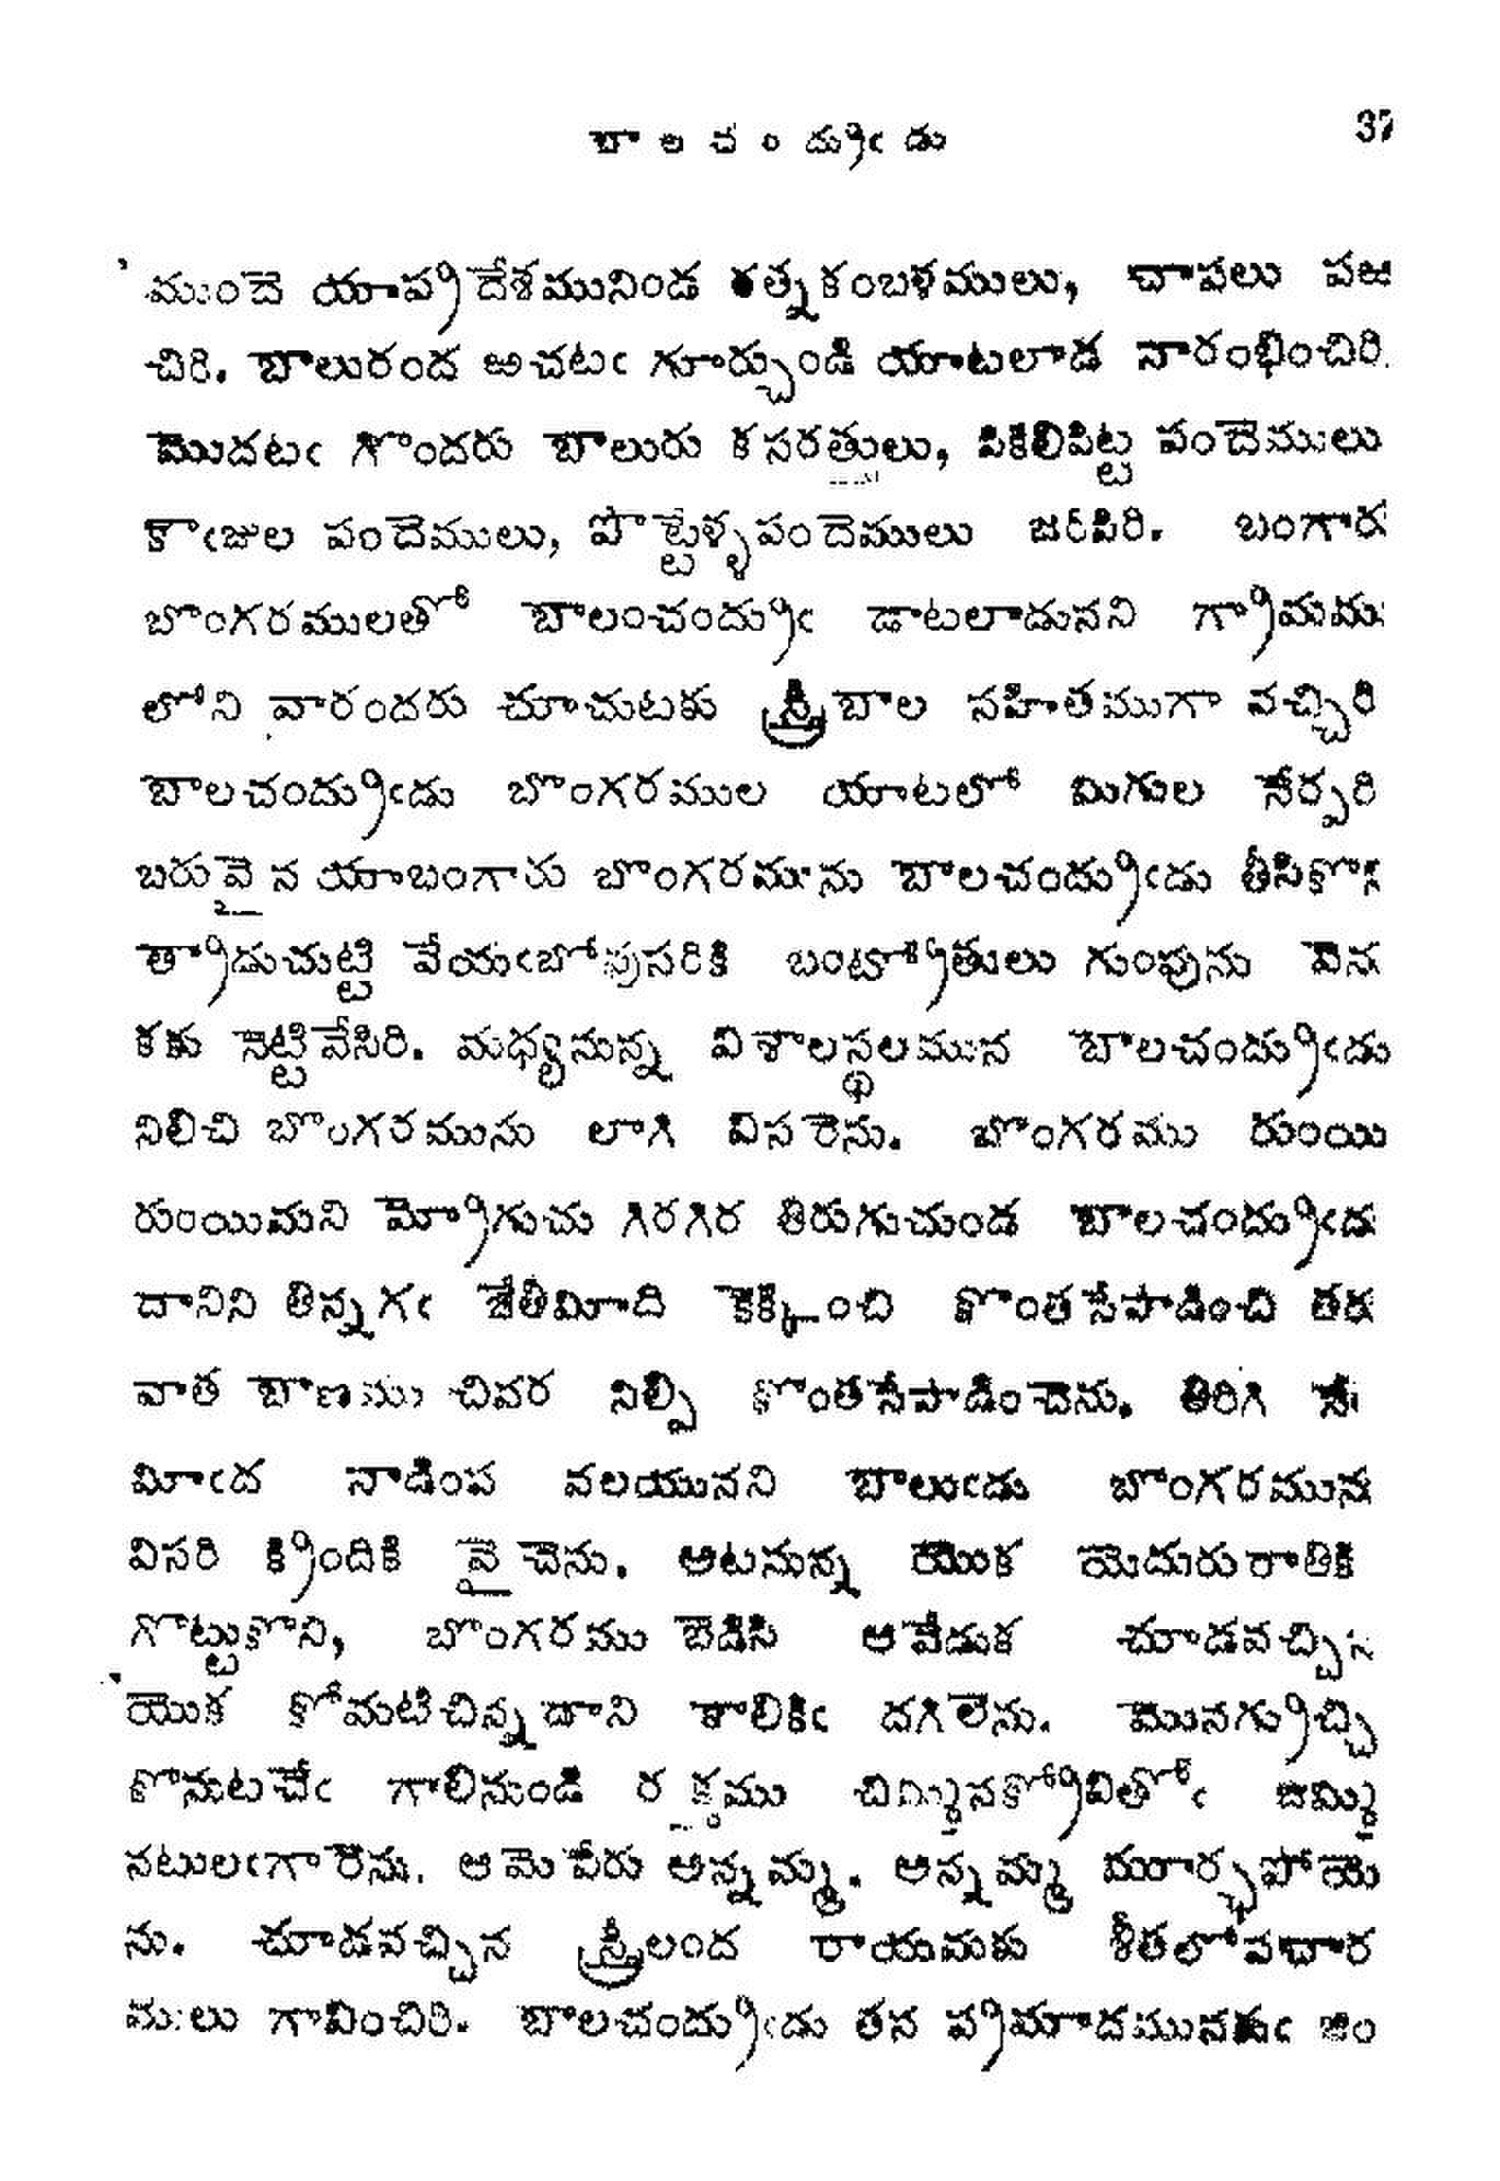ముందె యాప్రదేశమునిండ రత్నకంబళములు, చాపలు పఱచిరి. బాలురంద ఱచట గూర్చుండి యాటలాడ నారంభించిరి. మొదట గొందరు బాలురు కసరత్తులు, పికిలిపిట్ట పందెములు కౌజుల పందెములు, పొట్టేళ్ళ పందెములు జరిపిరి. బంగారు బొంగరములతో బాలచంద్రు డాటలాడునని గ్రామములోని వారందరు చూచుటకు స్త్రీబాల సహితముగా వచ్చిరి. బాలచంద్రుడు బొంగరముల యాటలో మిగుల నేర్పరి. బరువైన యాబంగారు బొంగరమును బాలచంద్రుడు తీసికొని త్రాడుచుట్టి వేయబోవుసరికి బంట్రోతులు గుంపును వెనుకకు నెట్టివేసిరి. మధ్యనున్న విశాలస్థలమున బాలచంద్రుదు నిలిచి బొంగరమును లాగి విసరెను. బొంగరము రుంయి రుంయిమని మ్రోగుచు గిరగిర తిరుగుచుండ బాలచంద్రుడు దానిని తిన్నగ జేతిమీది కెక్కించి కొంతసేపాడించి తరువాత బాణము చివర నిల్పి కొంతసేపాడించెను. తిరిగి నే మీద నాడింప వలయునని బాలుడు బొంగరమును విసరి క్రిందికి వైచెను. అటనున్న యొక యెదురురాతికి గొట్టుకొని, బొంగరము బెడసి ఆవేడుక చూడవచ్చిన యొక కోమటిచిన్నదాని కాలికి దగిలెను. మొనగ్రుచ్చికొనుటచే గాలినుండి రక్తము చిమ్మినక్రోవితో జిమ్మి నటుల గారెను. ఆమె పేరు అన్నమ్మ. అన్నమ్మ మూర్ఛపోయెను. చూడవచ్చిన స్త్రీలంద రాయమకు శీతలోపచారములు గావించిరి. బాలచంద్రుడు తన ప్రమాదమునకు జిం